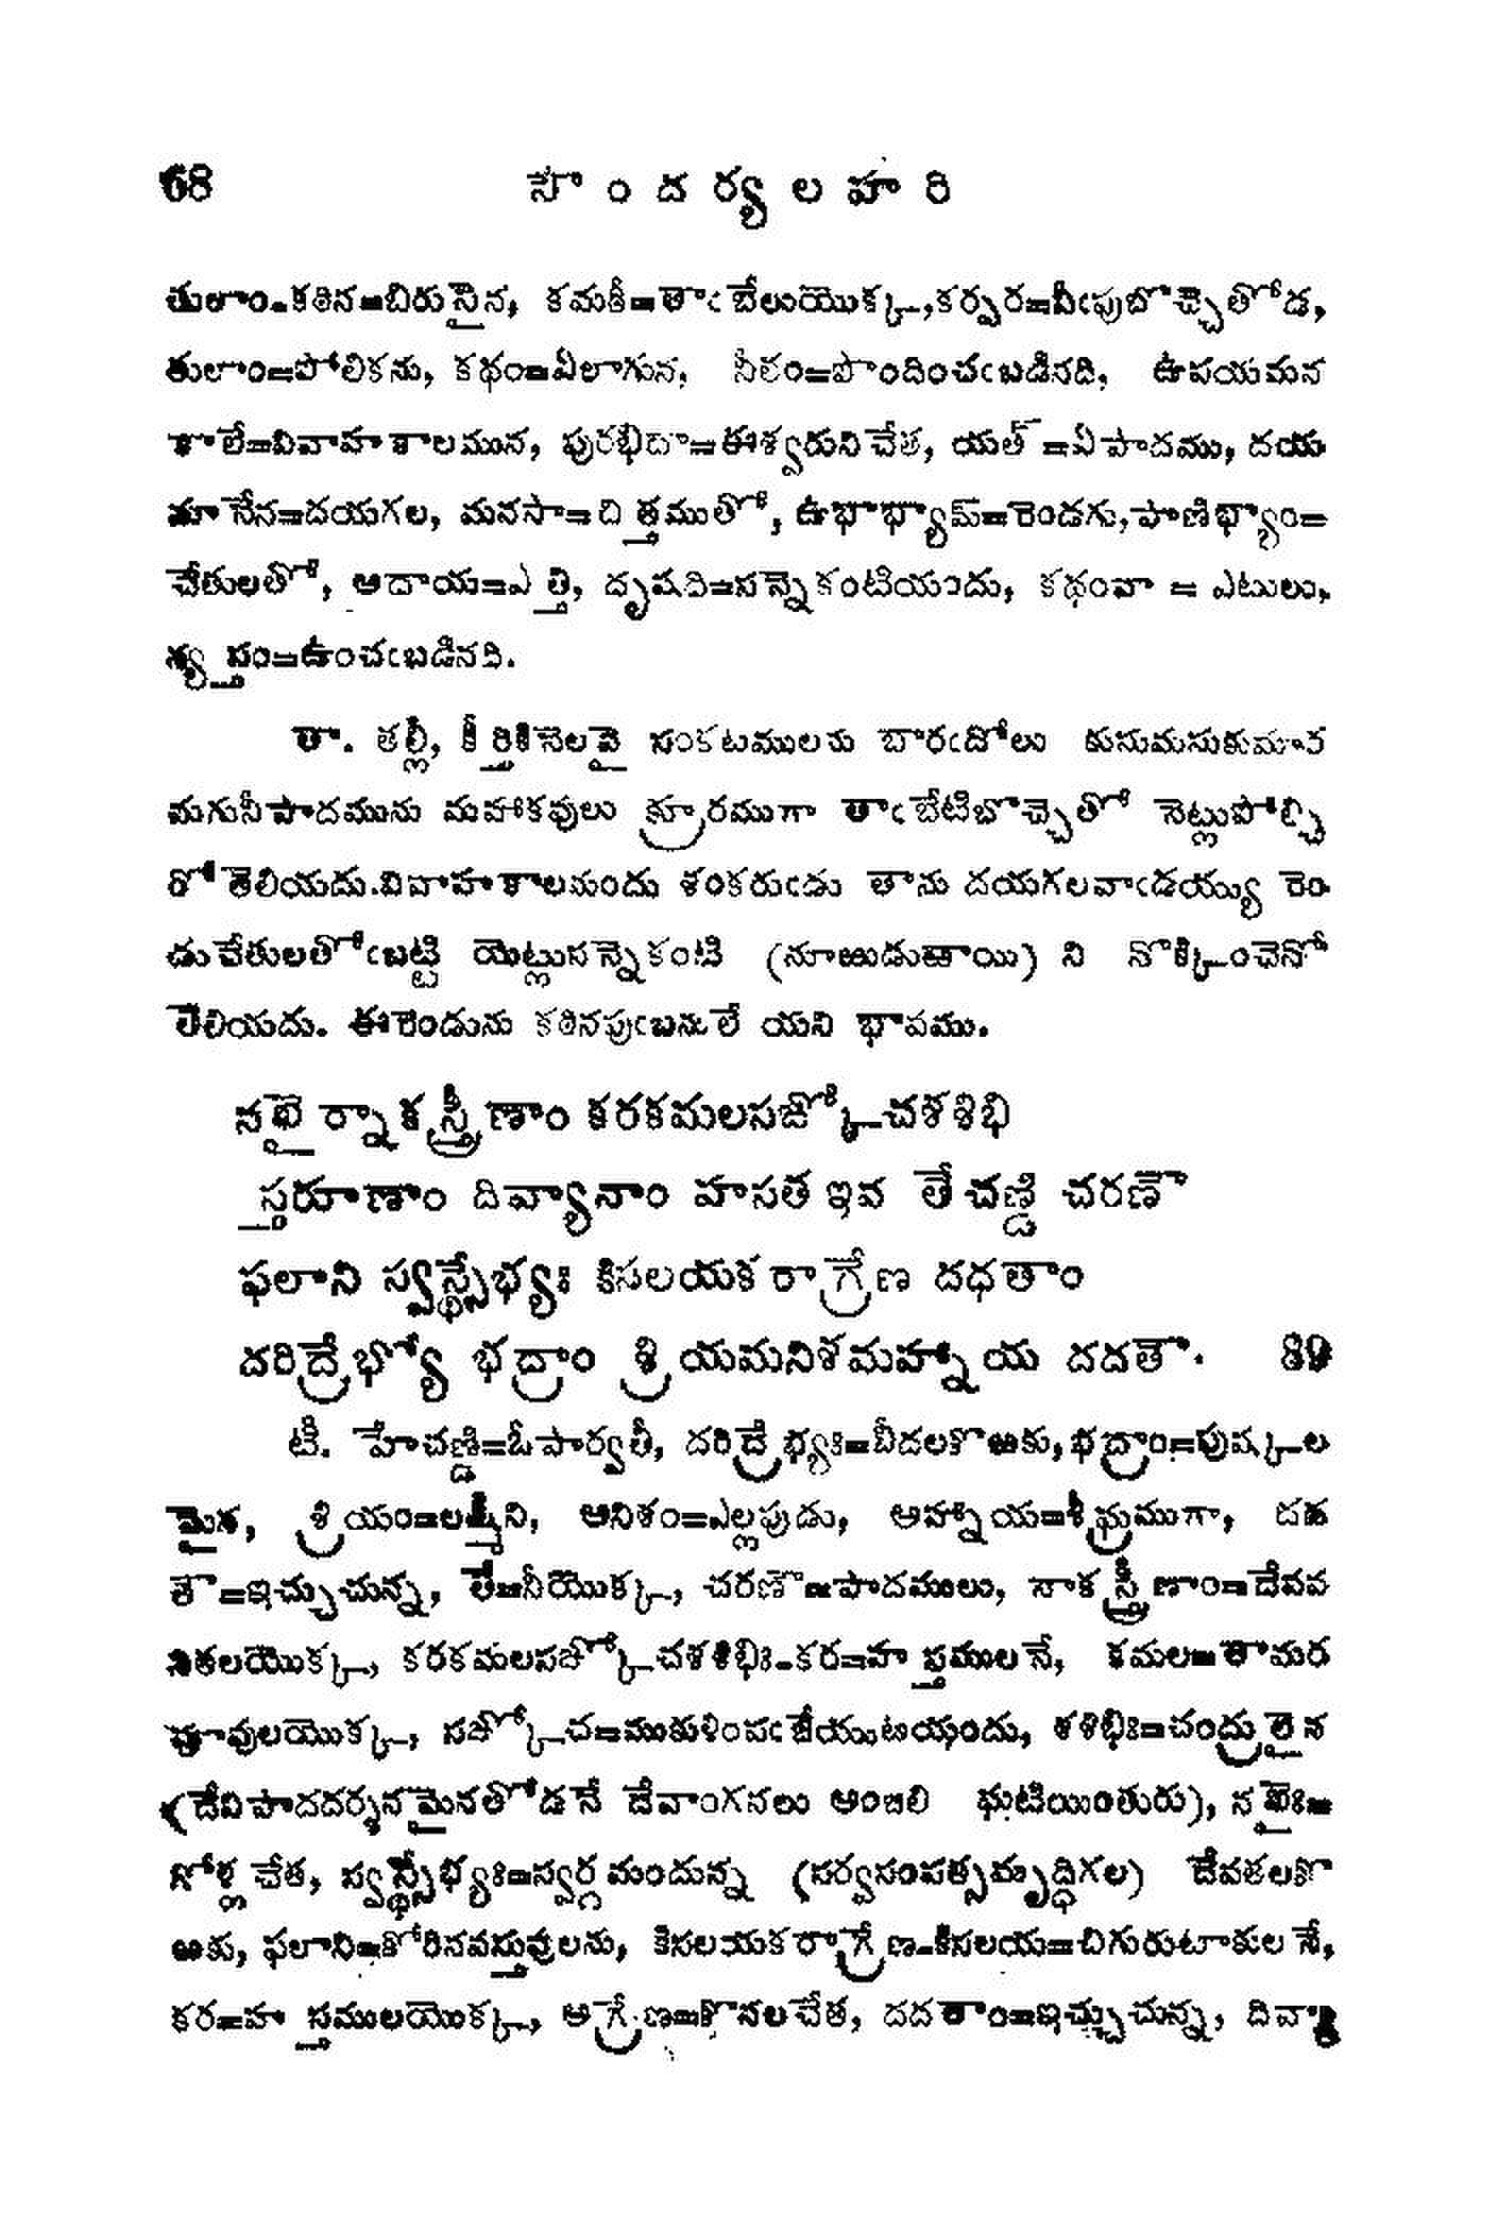తులాం-కఠిన = బిరుసైన, కమఠీ = తాఁబేలుయొక్క, కర్పర = వీఁపుబొచ్చెతోడ, తులాం = పోలికను, కథం = ఏలాగున, నీతం = పొందించఁబడినది, ఉపయమనకాలే = వివాహకాలమున, పురభిదా = ఈశ్వరునిచేత, యత్ = ఏపాదము, దయమానేన = దయగల, మనసా = చిత్తముతో, ఉభాభ్యామ్ = రెండగు, పాణిభ్యాం = చేతులతో, అదాయ = ఎత్తి, దృషది = సన్నెకంటియందు, కథంవా = ఎటులు, న్యస్తం = ఉంచఁబడినది.

తా. తల్లీ, కీర్తికినెలవై సంకటములను బారఁదోలు కుసుమసుకుమారమగు నీపాదమును మహాకవులు క్రూరముగా తాఁబేటిబొచ్చెతో నెట్లుపోల్చిరో తెలియదు. వివాహకాలమందు శంకరుఁడు తాను దయగలవాఁడయ్యు రెండుచేతులతోఁబట్టి యెట్లుసన్నెకంటి (నూఱుడుఱాయి) ని నొక్కించెనో తెలియదు. ఈరెండును కఠినపుఁబనులే యని భావము.

నఖైర్నాకస్త్రీణాం కరకమలసఙ్కోచశశిభి
స్తరూణాం దివ్యానాం హసత ఇవ తే చణ్డి చరణౌ
ఫలాని స్వస్స్థేభ్యః కిసలయకరాగ్రేణ దధతాం
దరిద్రేభ్యో భద్రాం శ్రియమనిశమహ్నాయ దదతౌ. 89
టీ. హేచణ్డి = ఓపార్వతీ, దరిద్రేభ్యః = బీదలకొఱకు, భద్రాం = పుష్కలమైన, శ్రియం = లక్ష్మిని, అనిశం = ఎల్లపుడు, అహ్నాయ = శీఘ్రముగా, దక్షతౌ = ఇచ్చుచున్న, తే = నీయొక్క, చరణౌ = పాదములు, నాకస్త్రీణాం = దేవవనితలయొక్క, కరకమలసఙ్కోచశశిభిః-కర = హస్తముల నే, కమల = తామరపూవులయొక్క, సఙ్కోచ = ముకుళింపఁజేయుటయందు, శశిభిః = చంద్రులైన (దేవిపాదదర్శనమైనతోడనే దేవాంగనలు అంజలి ఘటింతురు), నఖైః = గోళ్ల చేత, స్వస్స్థేభ్యః = స్వర్గమందున్న (సర్వసంపత్సమృద్ధిగల) దేవతలకొఱకు, ఫలాని = కోరినవస్తువులను, కిసలయకరాగ్రేణ-కిసలయ = చిగురుటాకులనే, కర = హస్తములయొక్క, అగ్రేణ = కొనలచేత, దదతాం = ఇచ్చుచున్న, దివ్యా